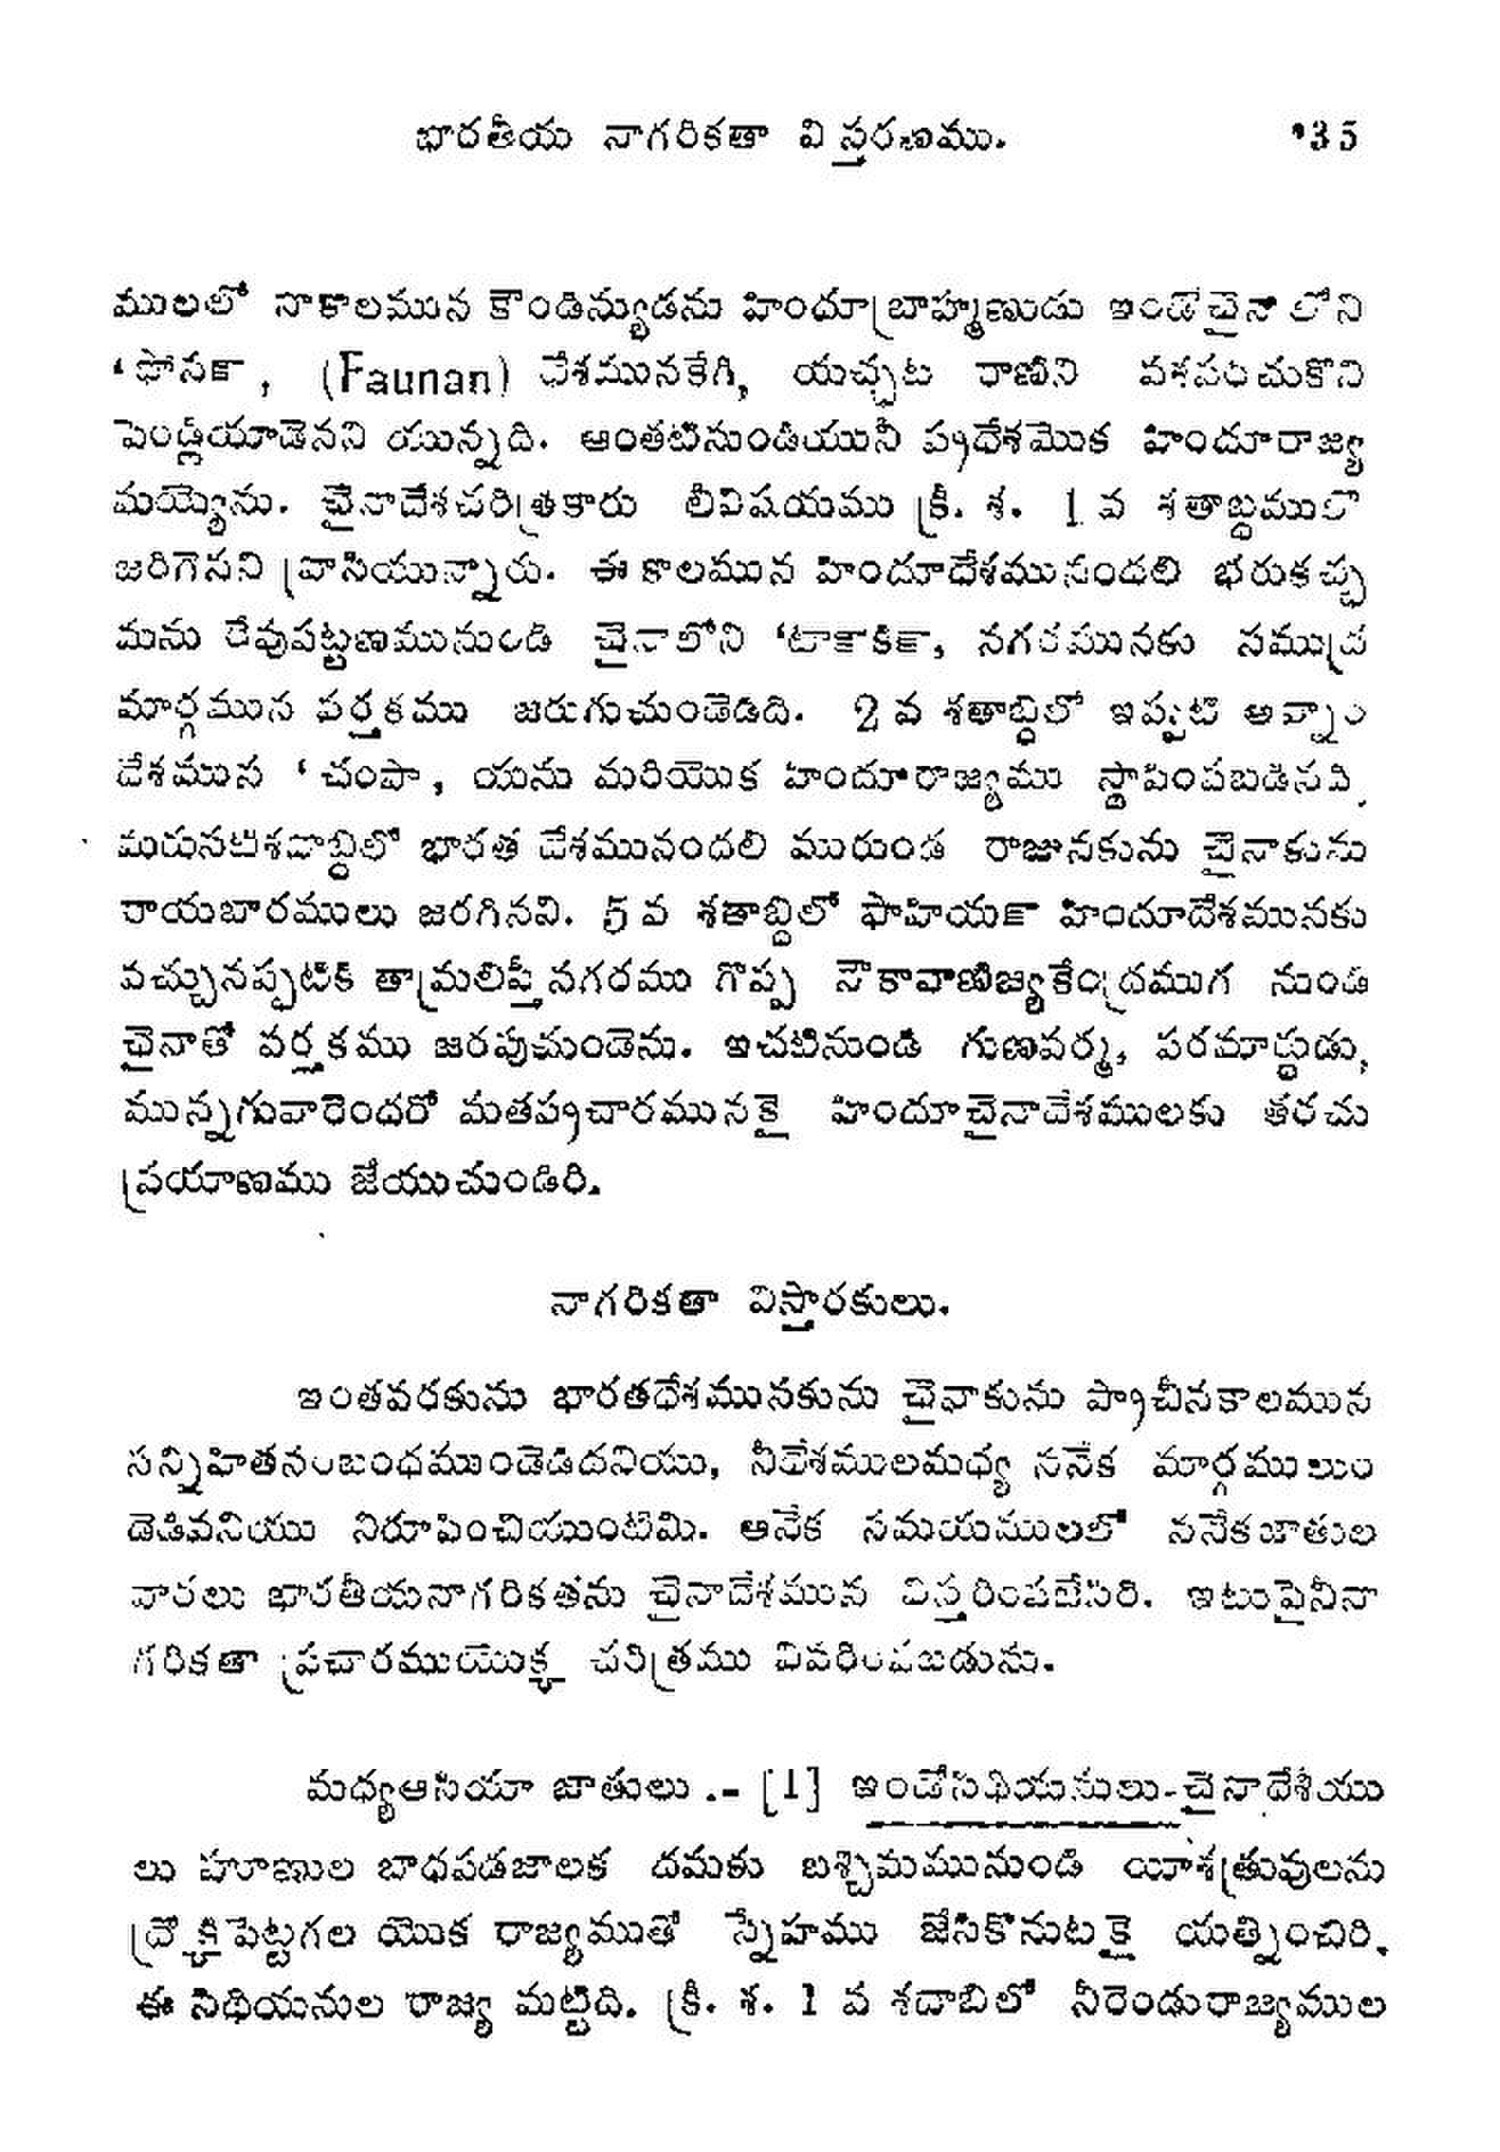ములలో నాకాలమున కౌండిన్యుడను హిందూబ్రాహ్మణుడు ఇండోచైనాలోని 'ఫోనన్‌' (Faunan) దేశమునకేగి, యచ్చట రాణిని వశపరచుకొని పెండ్లియాడెనని యున్నది. అంతటినుండియునీ ప్రదేశమొక హిందూరాజ్యమయ్యెను. చైనాదేశ చరిత్రకారు లీవిషయము క్రీ. శ. 1 వ శతాబ్దములో జరిగెనని వ్రాసియున్నారు. ఈ కాలమున హిందూదేశమునందలి భరుకచ్చమను రేవుపట్టణమునుండి చైనాలోని 'టాన్‌కిన్‌' నగరమునకు సముద్రమార్గమున వర్తకము జరుగుచుండెడిది. 2 వ శతాబ్దిలో ఇప్పటి అవ్నాం దేశమున 'చంపా' యను మరియొక హిందూరాజ్యము స్థాపింపబడినది. మరుసటిశదాబ్దిలో భారత దేశమునందలి మురుండ రాజునకును చైనాకును రాయబారములు జరగినవి. 5 వ శతాబ్దిలో ఫాహియన్ హిందూదేశమునకు వచ్చినప్పటికి తామ్రలిప్తీనగరము గొప్ప నౌకావాణిజ్యకేంద్రముగ నుండి చైనాతో వర్తకము జరుపుచుండెను. ఇచటినుండి గుణవర్మ, పరమార్దుడు, మున్నగువారెందరో మతప్రచారమునకై హిందూచైనాదేశములకు తరచు ప్రయాణము జేయుచుండిరి.

ఇంతవరకును భారతదేశమునకును చైనాకును ప్రాచీనకాలమున సన్నిహిత సంబంధముండెడిదనియు, నీదేశములమధ్య ననేక మార్గములుండెడివనియు నిరూపించియుంటిమి. అనేక సమయములలో ననేక జాతుల వారలు భారతీయ నాగరికతను చైనాదేశమున విస్తరింపజేసిరి. ఇటుపైనీనాగరికతా ప్రచారముయొక్క చరిత్రము వివరింపబడును.

మధ్యఆసియా జాతులు :- (1) ఇండోసిథియనులు - చైనాదేశీయులు హూణుల బాధపడజాలక దమకు బశ్చిమమునుండి యీశత్రువులను ద్రొక్కిపెట్టగల యొక రాజ్యముతో స్నేహము జేసికొనుటకై యత్నించిరి. ఈ సిథియనుల రాజ్య మట్టిది. క్రీ. శ. 1 వ శదాబ్దిలో నీరెండురాజ్యముల